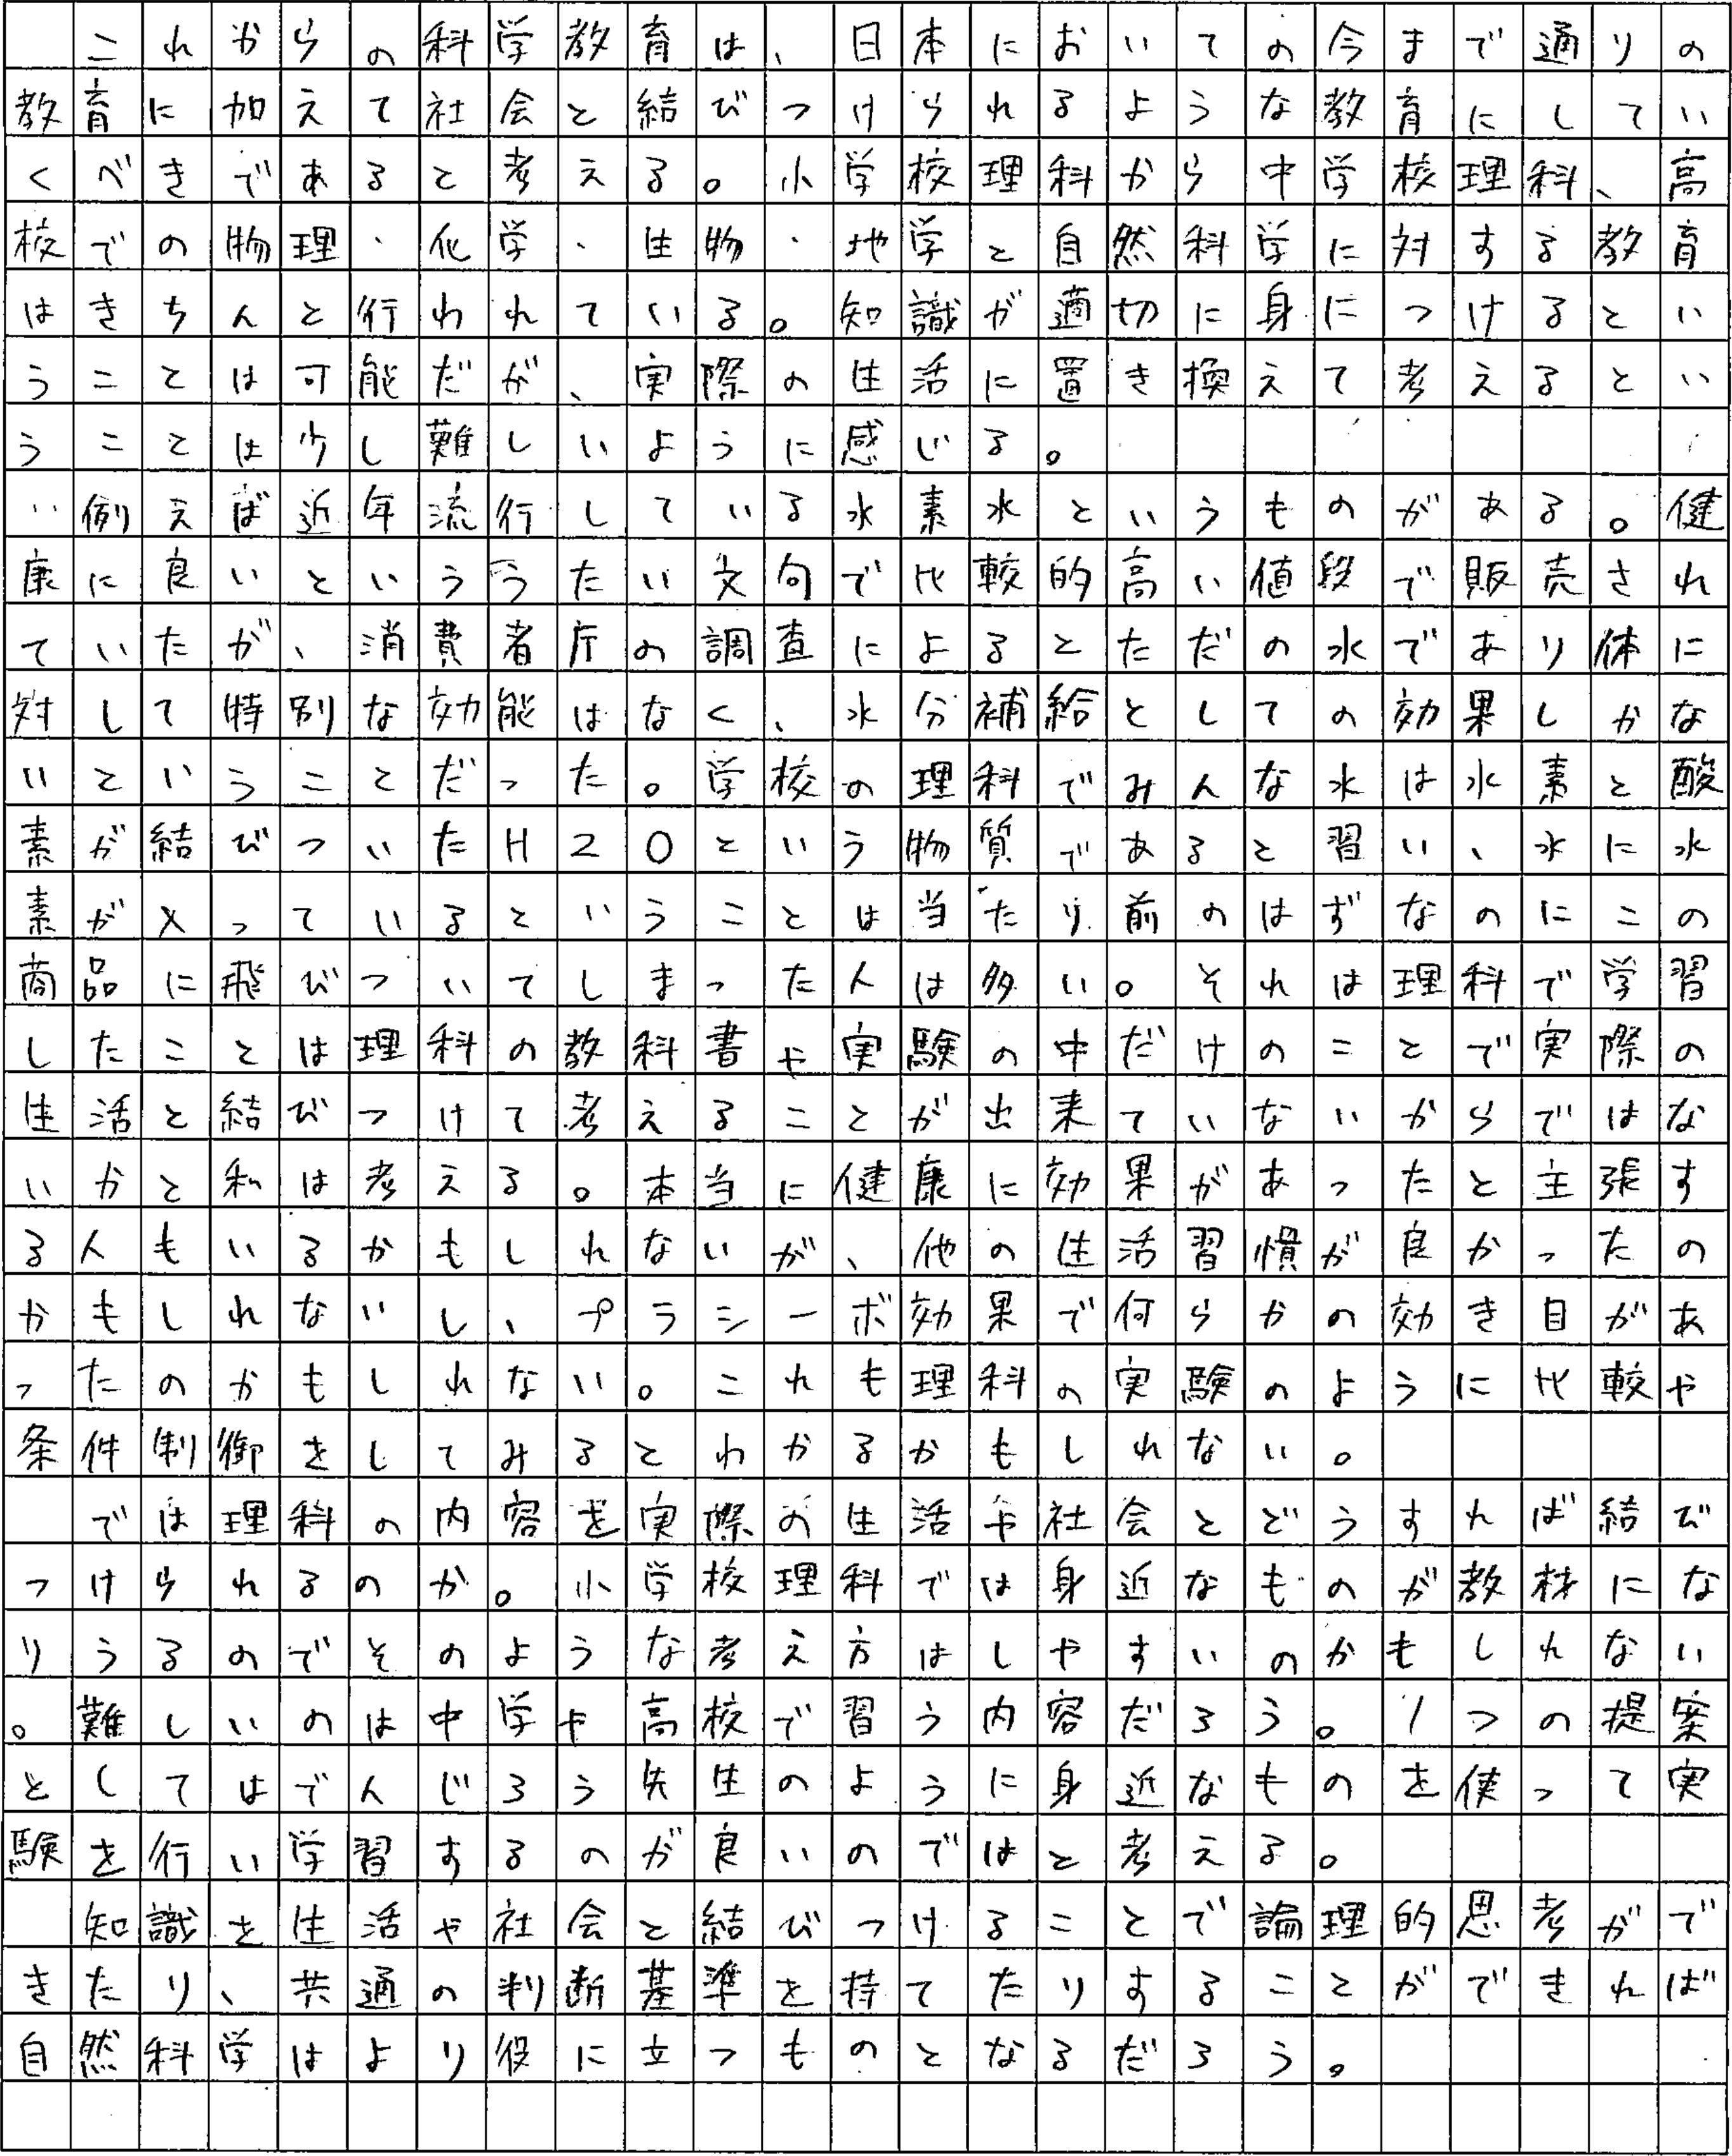　これからの科学教育は、日本においての今まで通りの教育に加えて社会と結びつけられるような教育にしていくべきであると考える。小学校理科から中学校理科、高校での物理・化学・生物・地学と自然科学に対する教育はきちんと行われている。知識が適切に身につけるということは可能だが、実際の生活に置き換えて考えるということは少し難しいように感じる。
　例えば近年流行している水素水というものがある。健康に良いといううたい文句で比較的高い値段で販売されていたが、消費者庁の調査によるとただの水であり体に対して特別な効能はなく、水分補給としての効果しかないということだった。学校の理科でみんな水は水素と酸素が結びついたＨ２Ｏという物質であると習い、水に水素が入っているということは当たり前のはずなのにこの商品に飛びついてしまった人は多い。それは理科で学習したことは理科の教科書や実験の中だけのことで実際の生活と結びつけて考えることが出来ていないからではないかと私は考える。本当に健康に効果があったと主張する人もいるかもしれないが、他の生活習慣が良かったのかもしれないし、プラシーボ効果で何らかの効き目があったのかもしれない。これも理科の実験のように比較や条件制御をしてみるとわかるかもしれない。
　では理科の内容を実際の生活や社会とどうすれば結びつけられるのか。小学校理科では身近なものが教材になりうるのでそのような考え方はしやすいのかもしれない。難しいのは中学や高校で習う内容だろう。１つの提案としてはでんじろう先生のように身近なものを使って実験を行い学習するのが良いのではと考える。
　知識を生活や社会と結びつけることで論理的思考ができたり、共通の判断基準を持てたりすることができれば自然科学はより役に立つものとなるだろう。
